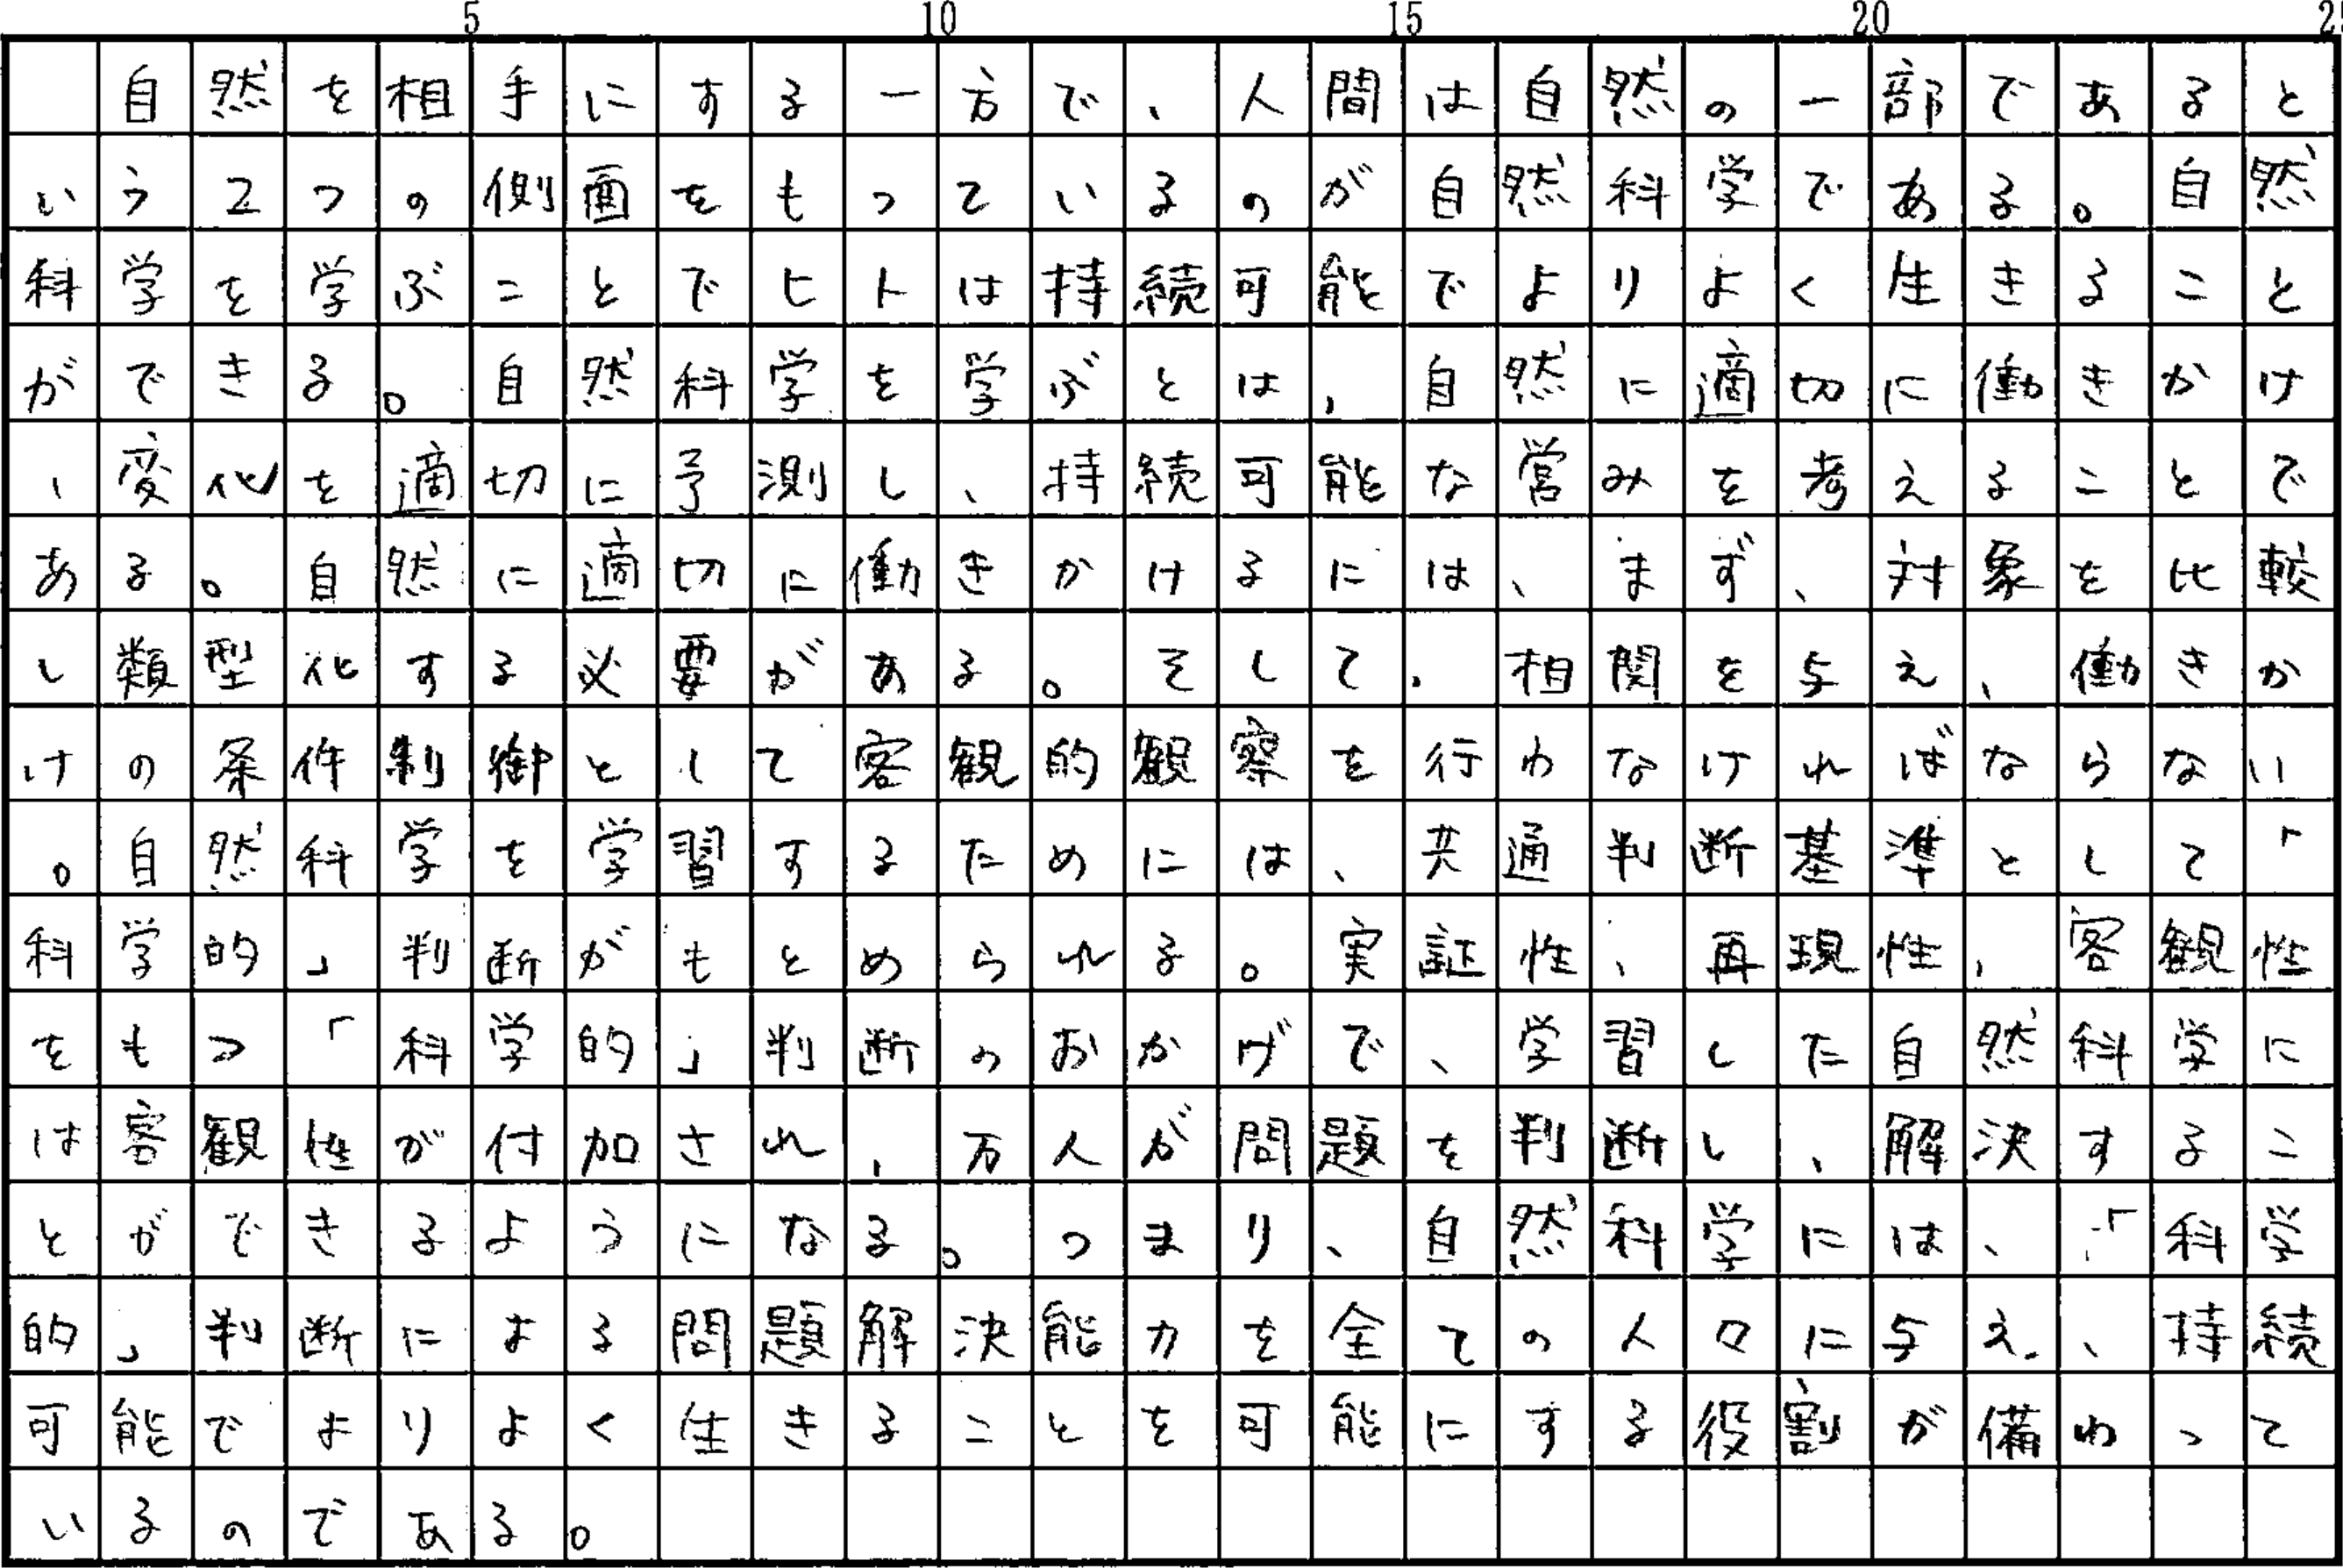　自然を相手にする一方で、人間は自然の一部であるという２つの側面をもっているのが自然科学である。自然科学を学ぶことでヒトは持続可能でよりよく生きることができる。自然科学を学ぶとは、自然に適切に働きかけ、変化を適切に予測し、持続可能な営みを考えることである。自然に適切に働きかけるには、まず、対象を比較し類型化する必要がある。そして、相関を与え、働きかけの条件制御として客観的観察を行わなければならない。自然科学を学習するためには、共通判断基準として「科学的」判断がもとめられる。実証性、再現性、客観性をもつ「科学的」判断のおかげで、学習した自然科学には客観性が付加され、万人が問題を判断し、解決することができるようになる。つまり、自然科学には、「科学的」判断による問題解決能力を全ての人々に与え、持続可能でよりよく生きることを可能にする役割が備わっているのである。
